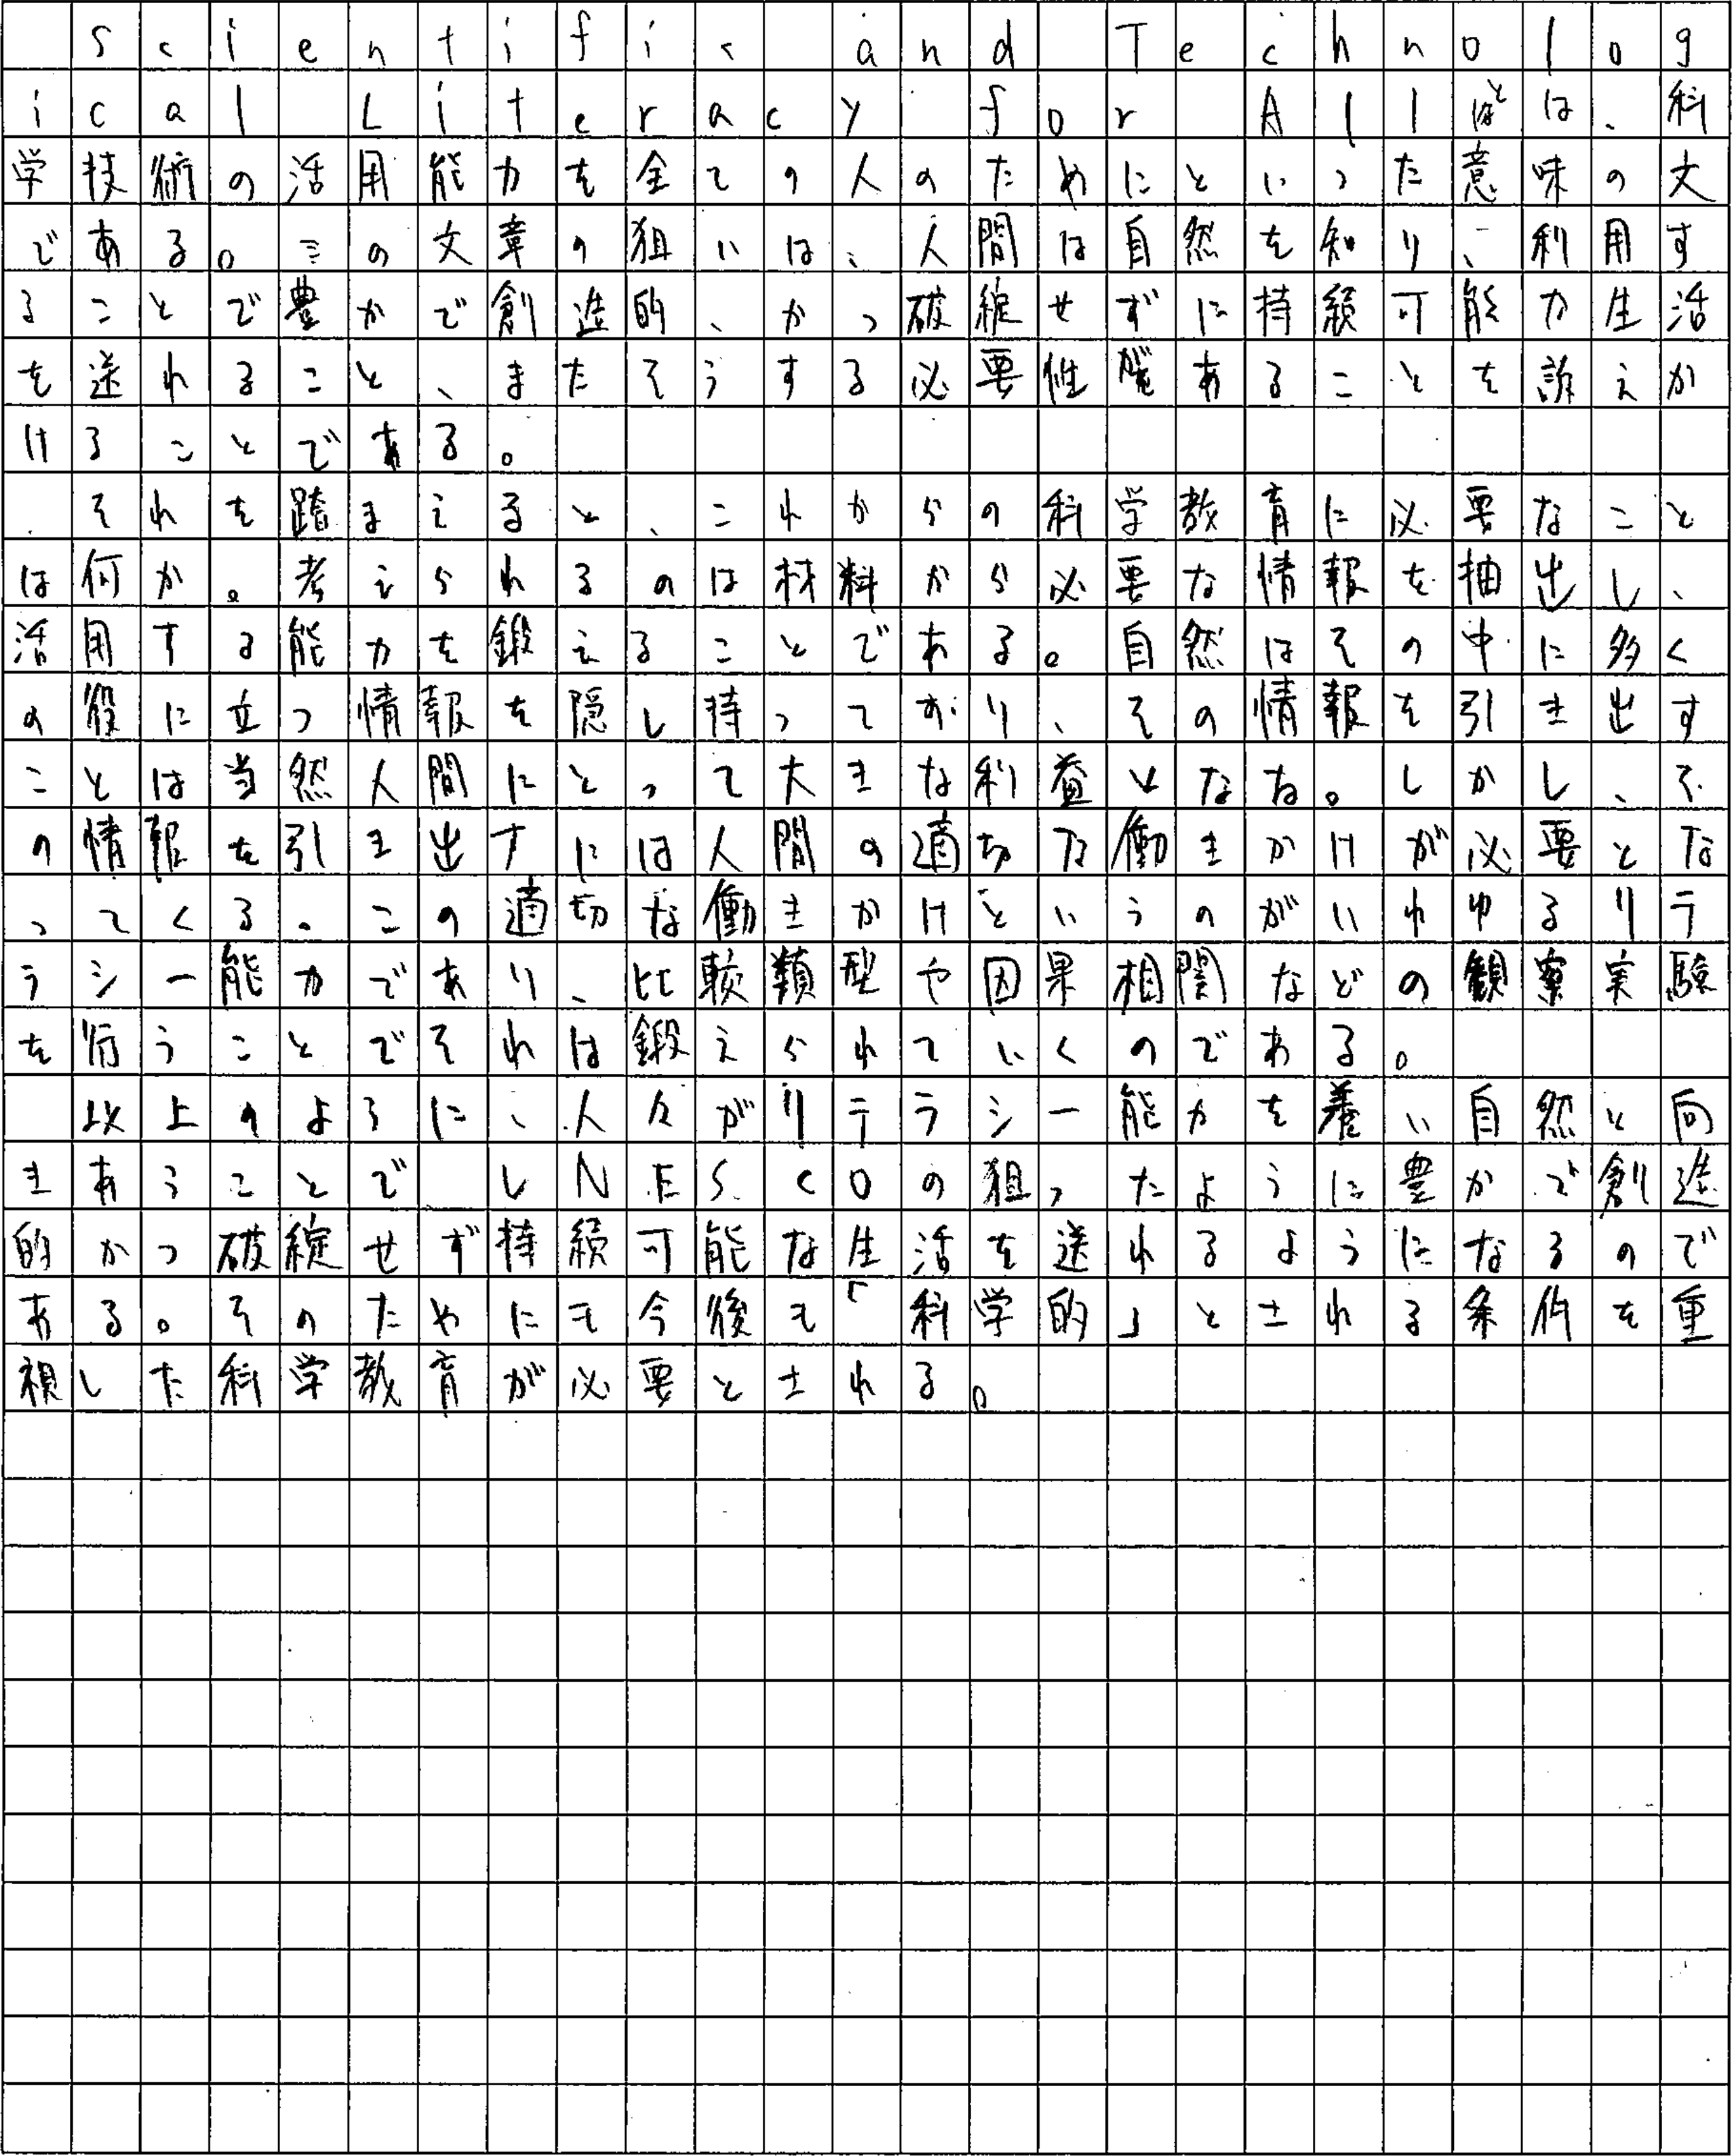　Ｓｃｉｅｎｔｉｆｉｃ　ａｎｄ　Ｔｅｃｈｎｏｌｏｇｉｃａｌ　Ｌｉｔｅｒａｃｙ　ｆｏｒ　Ａｌｌとは、科学技術の活用能力を全ての人のためにといった意味の文である。この文章の狙いは、人間は自然を知り、利用することで豊かで創造的、かつ破綻せずに持続可能な生活を送れること、またそうする必要性があることを訴えかけることである。
　それを踏まえると、これからの科学教育に必要なことは何か。考えられるのは材料から必要な情報を抽出し、活用する能力を鍛えることである。自然はその中に多くの役に立つ情報を隠し持っており、その情報を引き出すことは当然人間にとって大きな利益となる。しかし、その情報を引き出すには人間の適切な働きかけが必要となってくる。この適切な働きかけというのがいわゆるリテラシー能力であり、比較類型や因果相関などの観察実験を行うことでそれは鍛えられていくのである。
  以上のように、人々がリテラシー能力を養い自然と向きあうことで、ＵＮＥＳＣＯの狙ったように豊かで創造的かつ破綻せず持続可能な生活を送れるようになるのである。そのためにも今後も「科学的」とされる条件を重視した科学教育が必要とされる。
